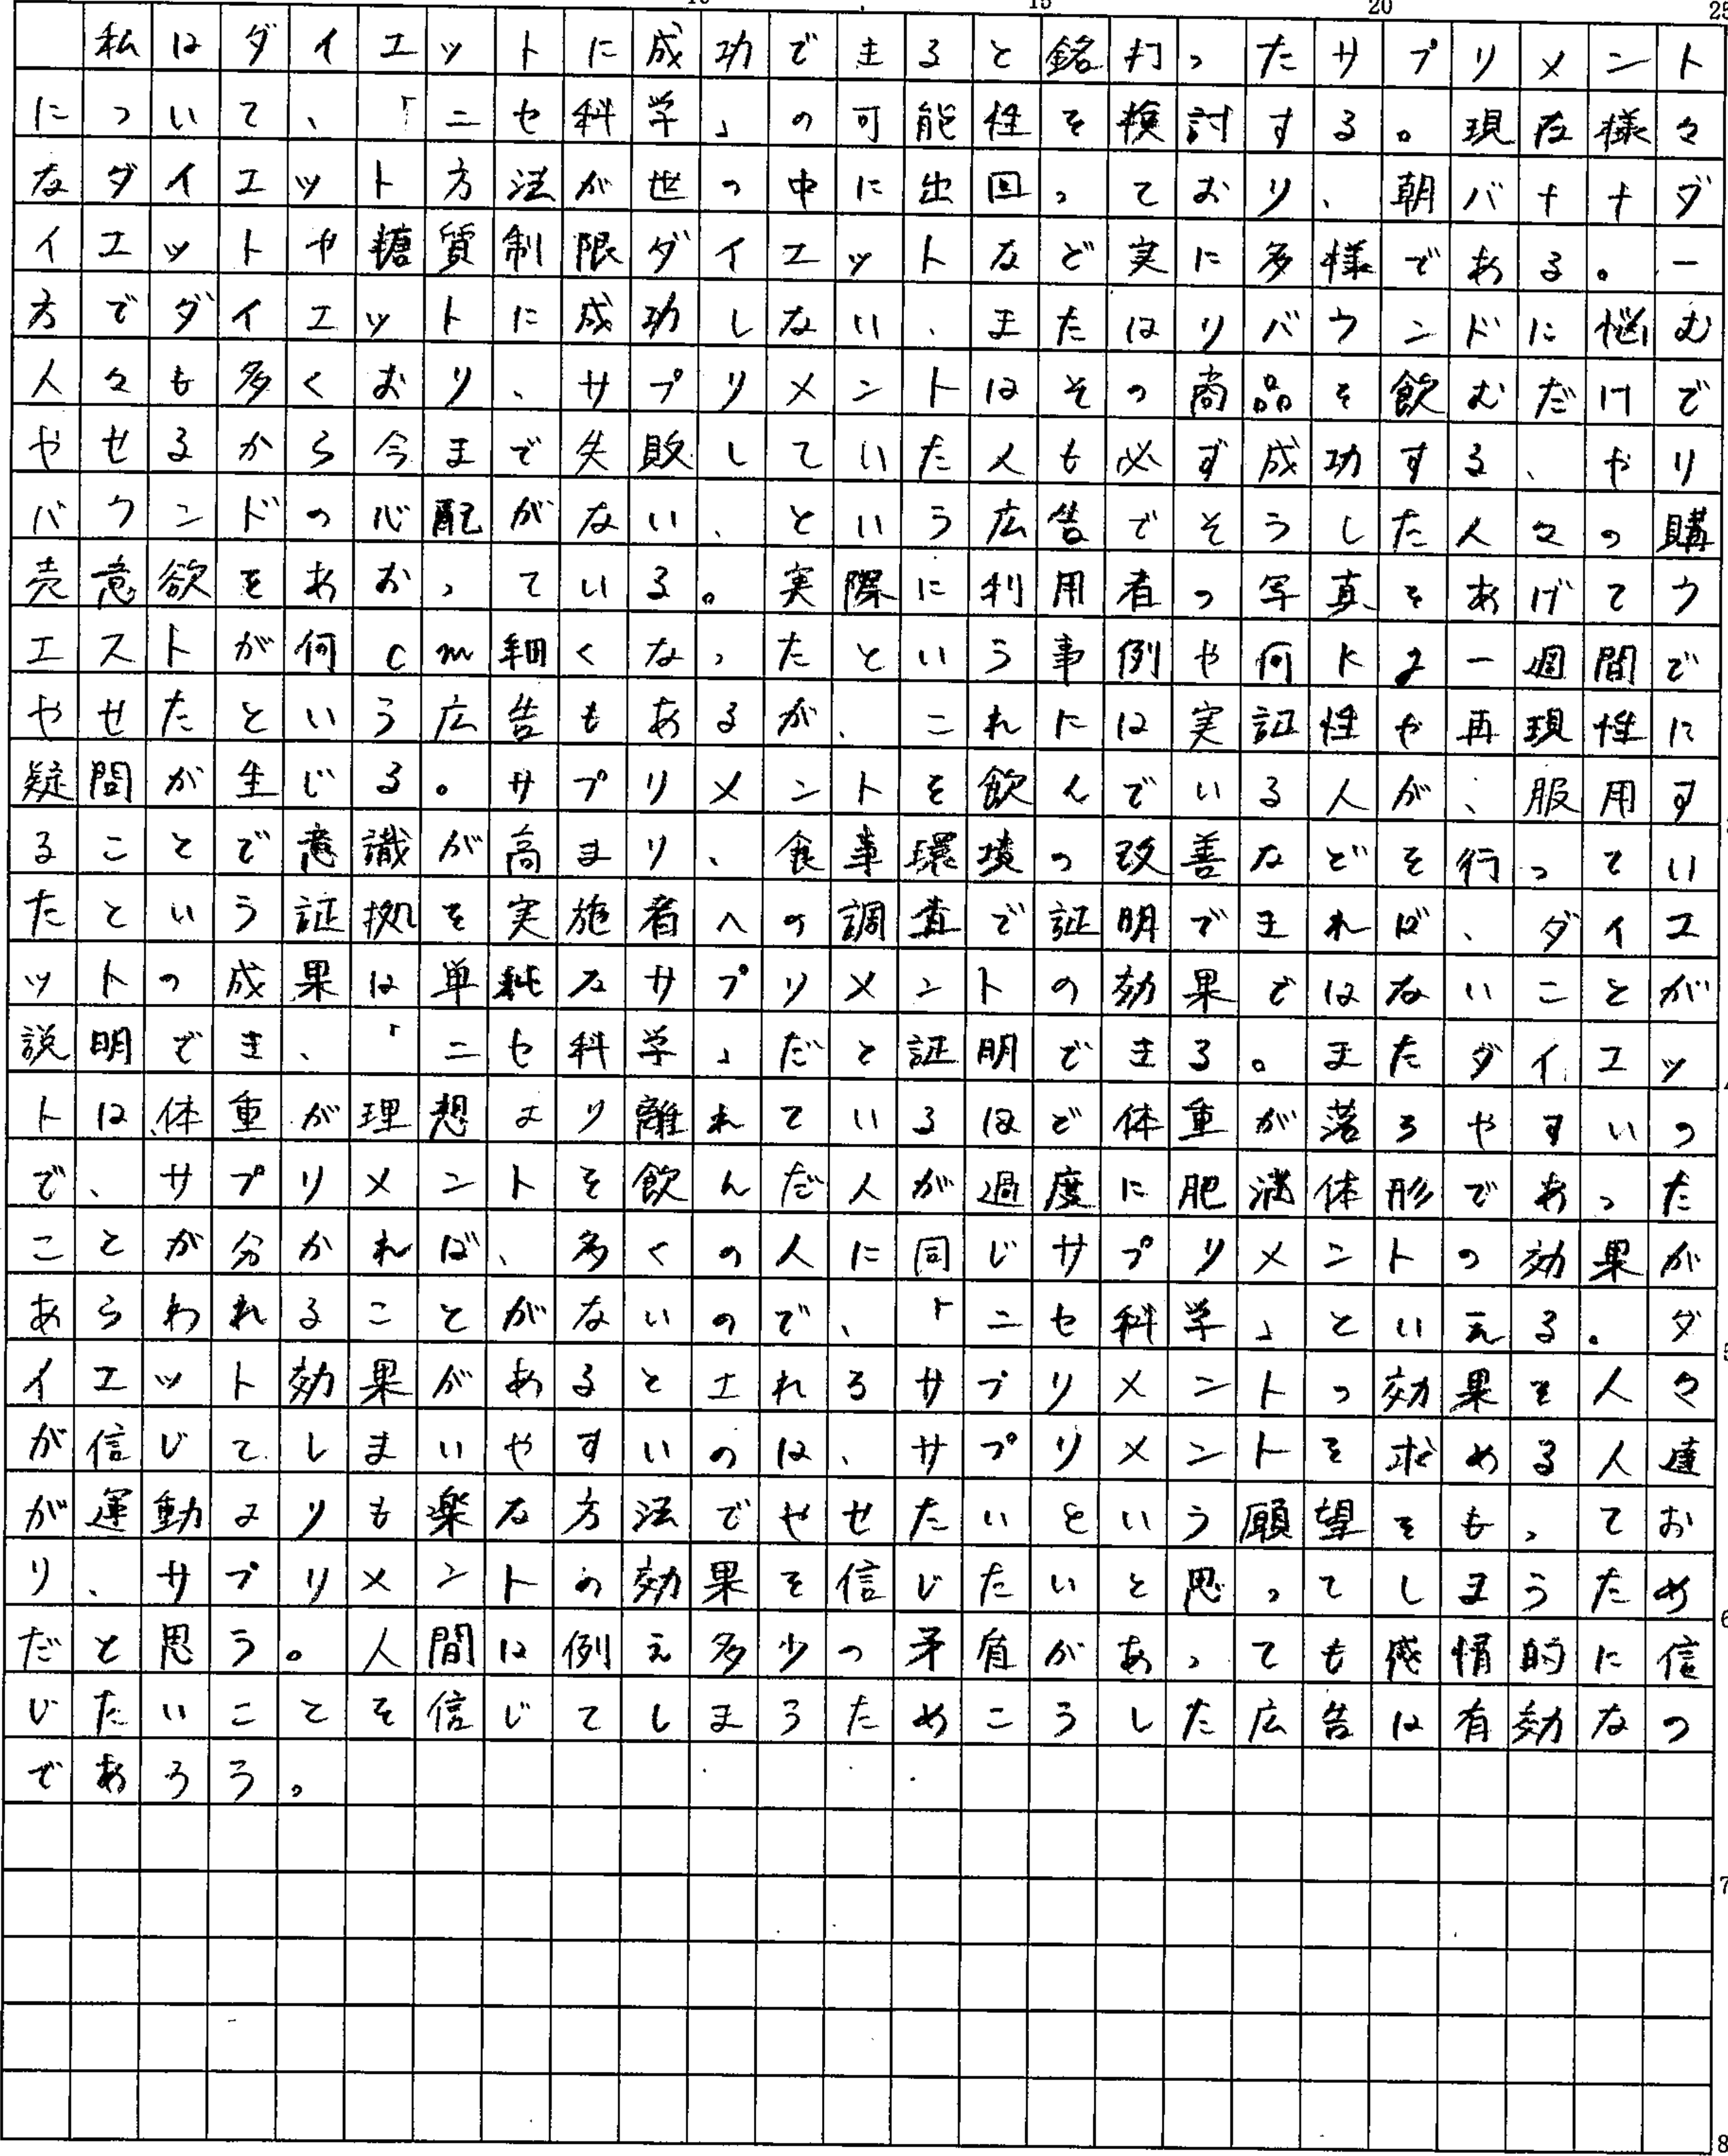　私はダイエットに成功できると銘打ったサプリメントについて、「ニセ科学」の可能性を検討する。現在様々なダイエット方法が世の中に出回っており、朝バナナダイエットや糖質制限ダイエットなど実に多様である。一方でダイエットに成功しない、またはリバウンドに悩む人々も多くおり、サプリメントはその商品を飲むだけでやせるから今まで失敗していた人も必ず成功する、やリバウンドの心配がない、という広告でそうした人々の購売意欲をあおっている。実際に利用者の写真をあげてウエストが何ｃｍ細くなったという事例や何ｋｇ一週間でやせたという広告もあるが、これには実証性や再現性に疑問が生じる。サプリメントを飲んでいる人が、服用することで意識が高まり、食事環境の改善などを行っていたという証拠を実施者への調査で証明できれば、ダイエットの成果は単純なサプリメントの効果ではないことが説明でき、「ニセ科学」だと証明できる。またダイエットは体重が理想より離れているほど体重が落ちやすいので、サプリメントを飲んだ人が過度に肥満体形であったことが分かれば、多くの人に同じサプリメントの効果があらわれることがないので、「ニセ科学」といえる。ダイエット効果があるとされるサプリメントの効果を人々が信じてしまいやすいのは、サプリメントを求める人達が運動よりも楽な方法でやせたいという願望をもっており、サプリメントの効果を信じたいと思ってしまうためだと思う。人間は例え多少の矛盾があっても感情的に信じたいことを信じてしまうためこうした広告は有効なのであろう。
